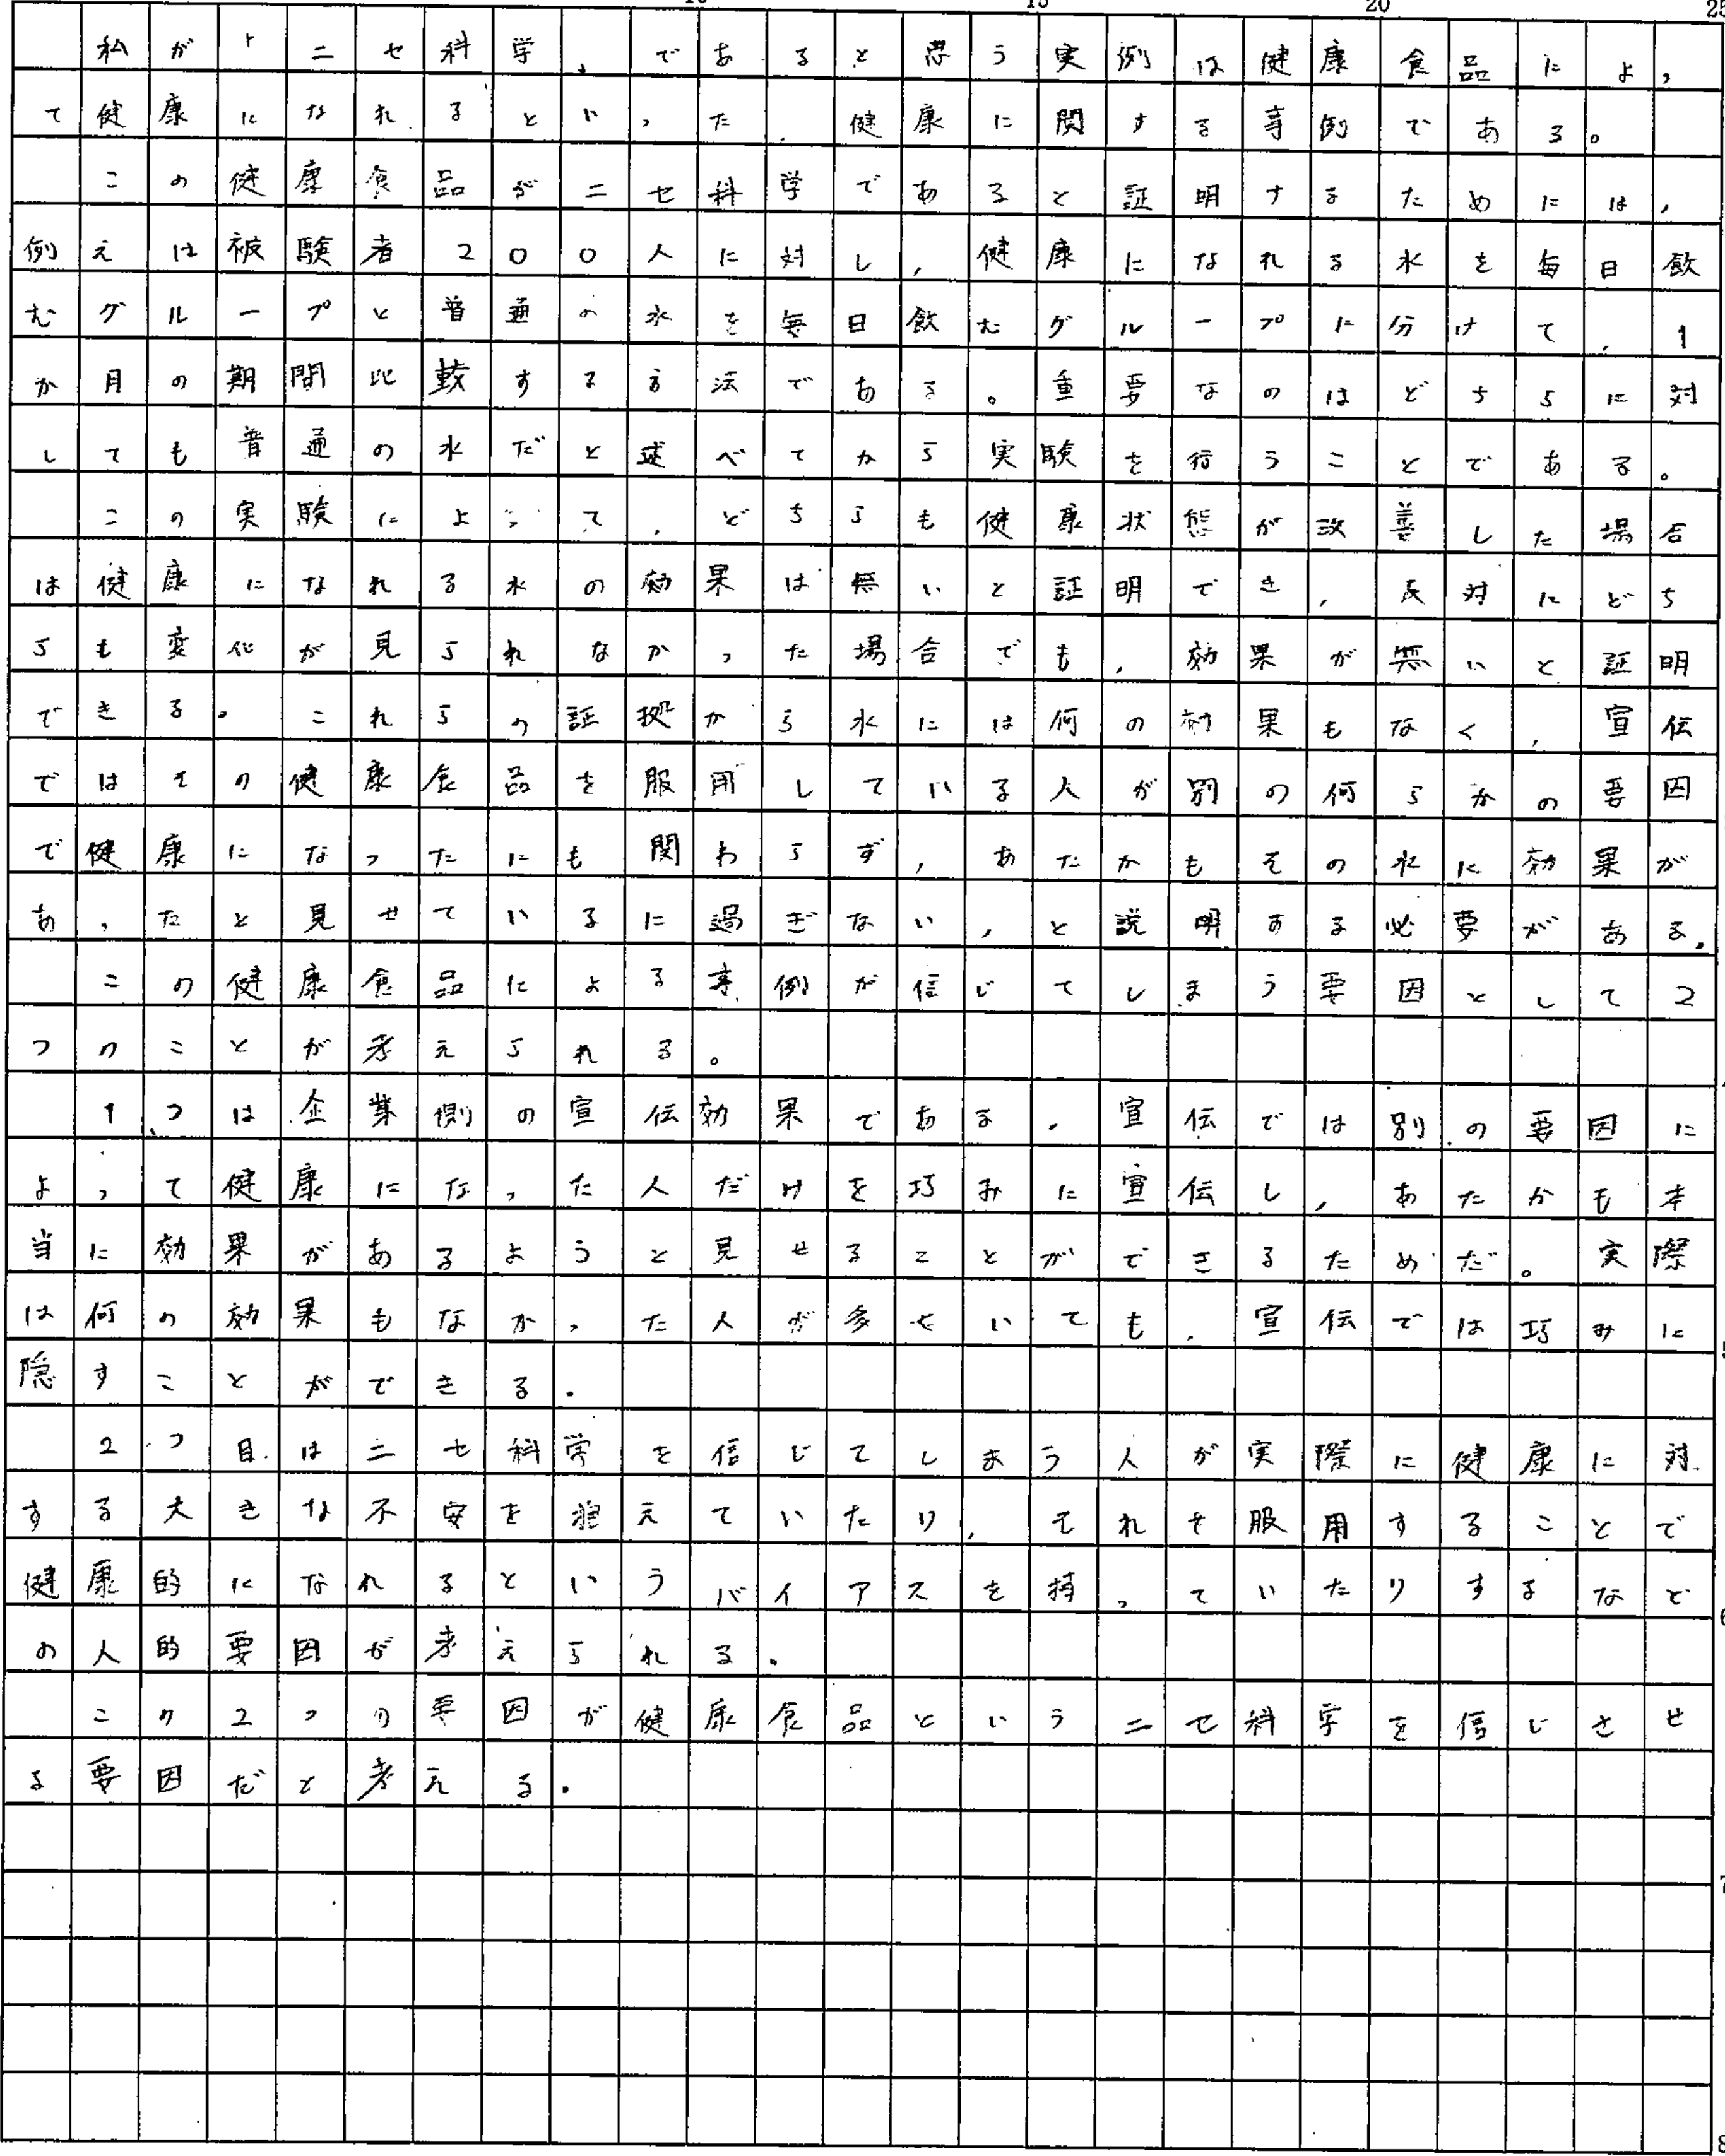　私が「ニセ科学」であると思う実例は健康食品によって健康になれるといった、健康に関する事例である。
　この健康食品がニセ科学であると証明するためには、例えは被験者２００人に対し、健康になれる水を毎日飲むグループと普通の水を毎日飲むグループに分けて、１か月の期間比較する方法である。重要なのはどちらに対しても普通の水だと述べてから実験を行うことである。
　この実験によって、どちらも健康状態が改善した場合は健康になれる水の効果は無いと証明でき、反対にどちらも変化が見られなかった場合でも、効果が無いと証明できる。これらの証拠から水には何の効果もなく、宣伝ではその健康食品を服用している人が別の何らかの要因で健康になったにも関わらず、あたかもその水に効果があったと見せているに過ぎない、と説明する必要がある。
　この健康食品による事例が信じてしまう要因として２つのことが考えられる。
　１つは企業側の宣伝効果である。宣伝では別の要因によって健康になった人だけを巧みに宣伝し、あたかも本当に効果があるようと見せることができるためだ。実際は何の効果もなかった人が多くいても、宣伝では巧みに隠すことができる。
　２つ目はニセ科学を信じてしまう人が実際に健康に対する大きな不安を抱えていたり、それを服用することで健康的になれるというバイアスを持っていたりするなどの人的要因が考えられる。
　この２つの要因が健康食品というニセ科学を信じさせる要因だと考える。
